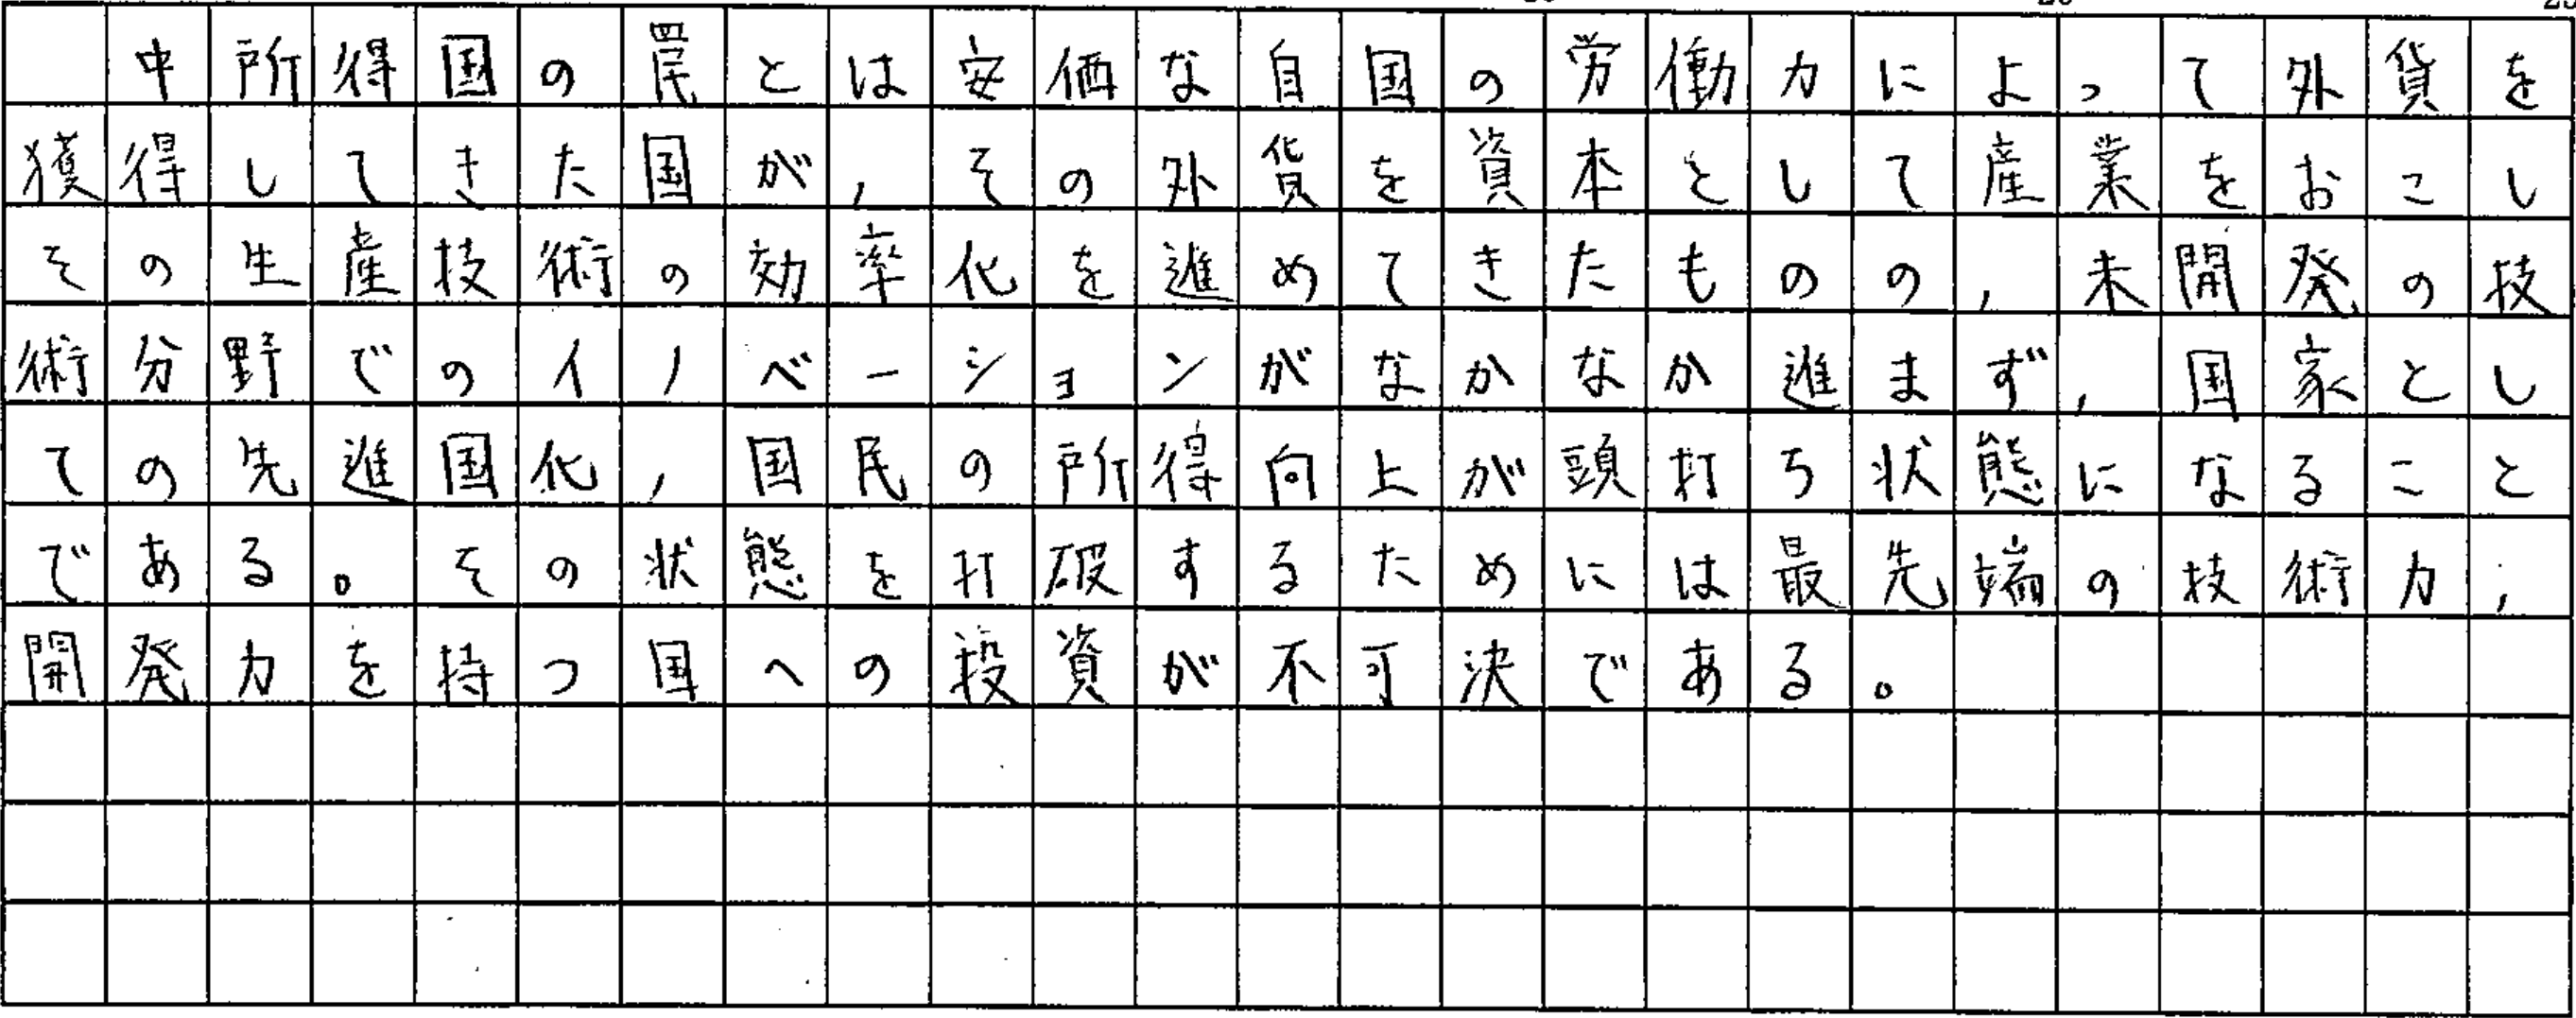　中所得国の罠とは安価な自国の労働力によって外貨を獲得してきた国が，その外貨を資本として産業をおこしその生産技術の効率化を進めてきたものの，未開発の技術分野でのイノベーションがなかなか進まず，国家としての先進国化，国民の所得向上が頭打ち状態になることである。その状態を打破するためには最先端の技術力，開発力を持つ国への投資が不可決である。
